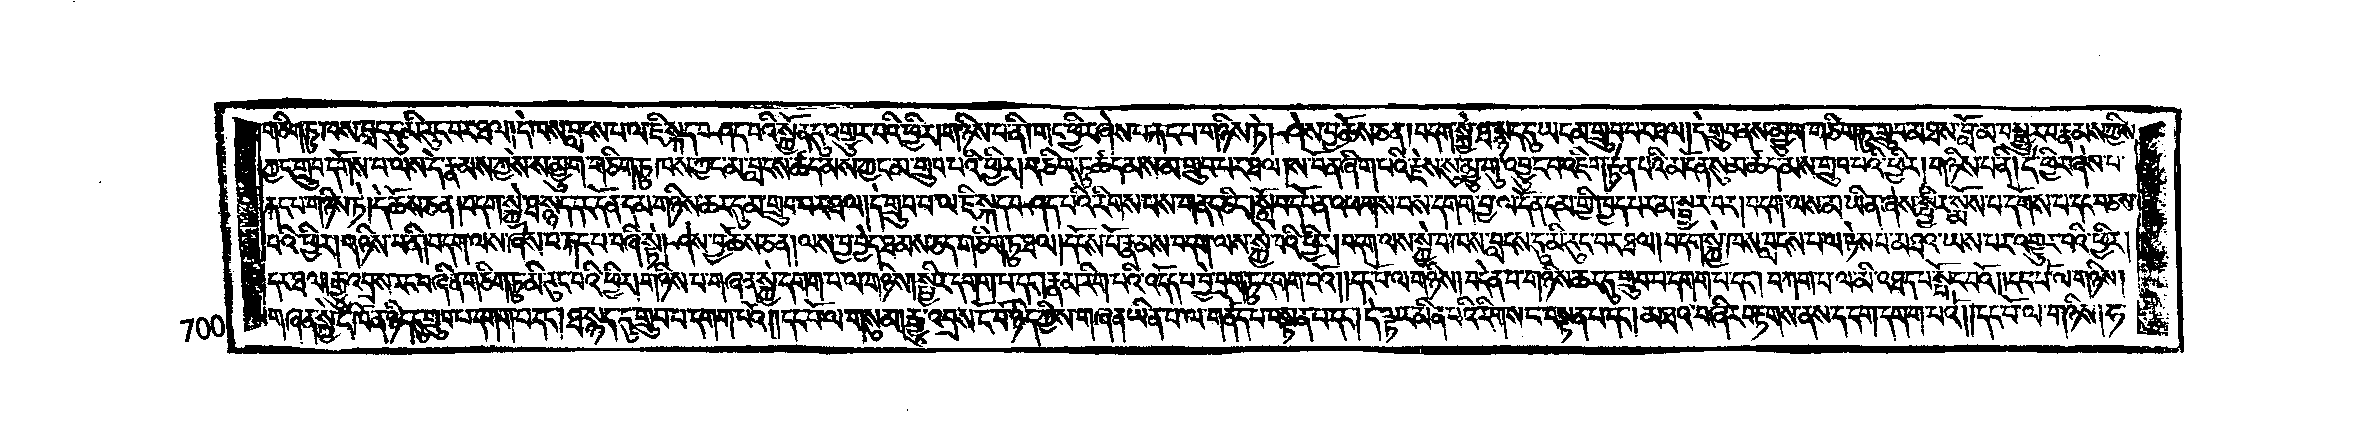གཅིག་ཏུ་ཁས་བླང་དུ་མི་རུང་བར་ཐལ། དེ་ཁས་བླངས་པ་ལ་ཇི་སྐད་བཤད་པའི་སྐྱོན་དུ་འགྱུར་བའི་ཕྱིར། གཉིས་པ་ནི། གང་ཕྱིར་ཞེས་པ་རྐང་པ་གཉིས་ཏེ། ཤེས་བྱ་ཆོས་ཅན། བདག་སྐྱེ་ཐ་སྙད་དུ་ཡང་མ་གྲུབ་པར་ཐལ། དེ་གྲུབ་ནས་མྱུ་གུ་གཅིག་ཏུ་གྲུབ་མཐས་བློ་མ་བསྒྱུར་བ་རྣམས་ཀྱིས་
ཀྱང་གྲུབ་དགོས་པ་ལས་དེ་རྣམས་ཀྱིས་ས་མྱུག་གཅིག་ཏུ་ཁས་ཀྱང་མ་བླངས་ཚད་མས་ཀྱང་མ་གྲུབ་པའི་ཕྱིར། གཅིག་ཏུ་ཚད་མས་མ་གྲུབ་པར་ཐལ། ས་བོན་ཞིག་པའི་རྗེས་སུ་མྱུ་གུ་འབྱུང་བ་འཇིག་རྟེན་པའི་མངོན་སུམ་ཚད་མས་གྲུབ་པའི་ཕྱིར། གཉིས་པ་ནི། དེ་ཕྱིར་ཞེས་པ་
རྐང་པ་གཉིས་ཏེ། དེ་ཆོས་ཅན། བདག་སྐྱེ་ཐ་སྙད་དང་དོན་དམ་གཉིས་ཆར་དུ་མ་གྲུབ་པར་ཐལ། དེ་གྲུབ་པ་ལ་ཇི་སྐད་བཤད་པའི་རིགས་པས་གནད་ཅིང་། སློབ་དཔོན་འཕགས་པས་དགག་བྱ་ལ་དོན་དམ་གྱི་ཁྱད་པར་མ་སྦྱར་བར། བདག་ལས་མ་ཡིན་ཞེས་སྤྱིར་སྨོས་པ་དགོས་པ་དང་བཅས་
པའི་ཕྱིར། གཉིས་པ་ནི། བདག་ལས་ཞེས་པ་རྐང་པ་བཞི་སྟེ། ཤེས་བྱ་ཆོས་ཅན། ལས་བྱ་བྱེད་ཐམས་ཅད་གཅིག་ཏུ་ཐལ། དངོས་པོ་རྣམས་བདག་ལས་སྐྱེ་བའི་ཕྱིར། བདག་ལས་སྐྱེ་བ་ཁས་བླངས་དུ་མི་རུང་བར་ཐལ། བདག་སྐྱེ་ཁས་བླངས་པ་ལ་ཉེས་པ་མཐའ་ཡས་པར་འགྱུར་བའི་ཕྱིར།
དེར་ཐལ། རྒྱུ་འབྲས་རང་བཞིན་གཅིག་ཏུ་མི་རུང་བའི་ཕྱིར། གཉིས་པ་གཞན་སྐྱེ་དགག་པ་ལ་གཉིས། སྤྱིར་དགག་པ་དང་། རྣམ་རིག་པའི་འདོད་པ་བྱེ་བྲག་ཏུ་དགག་པའོ། །དང་པོ་ལ་གཉིས། བདེན་པ་གཉིས་ཆར་དུ་གྲུབ་པ་དགག་པ་དང་། བཀག་པ་ལ་མི་འཐད་པ་སྤོང་བའོ། །དང་པོ་ལ་གཉིས།
གཞན་སྐྱེ་དེ་ཁོ་ན་ཉིད་དུ་གྲུབ་པ་དགག་པ་དང་། ཐ་སྙད་དུ་གྲུབ་པ་དགག་པའོ། །དང་པོ་ལ་གསུམ། རྒྱུ་འབྲས་ངོ་བོ་ཉིད་ཀྱིས་གཞན་ཡིན་པ་ལ་གནོད་པ་བསྟན་པ་དང་། དེ་ལྟར་མིན་པའི་རིགས་པ་བསྟན་པ་དང་། མཐའ་བཞིར་བརྟགས་ནས་དེ་དག་དགག་པའོ། །དང་པོ་ལ་གཉིས། ཧ་